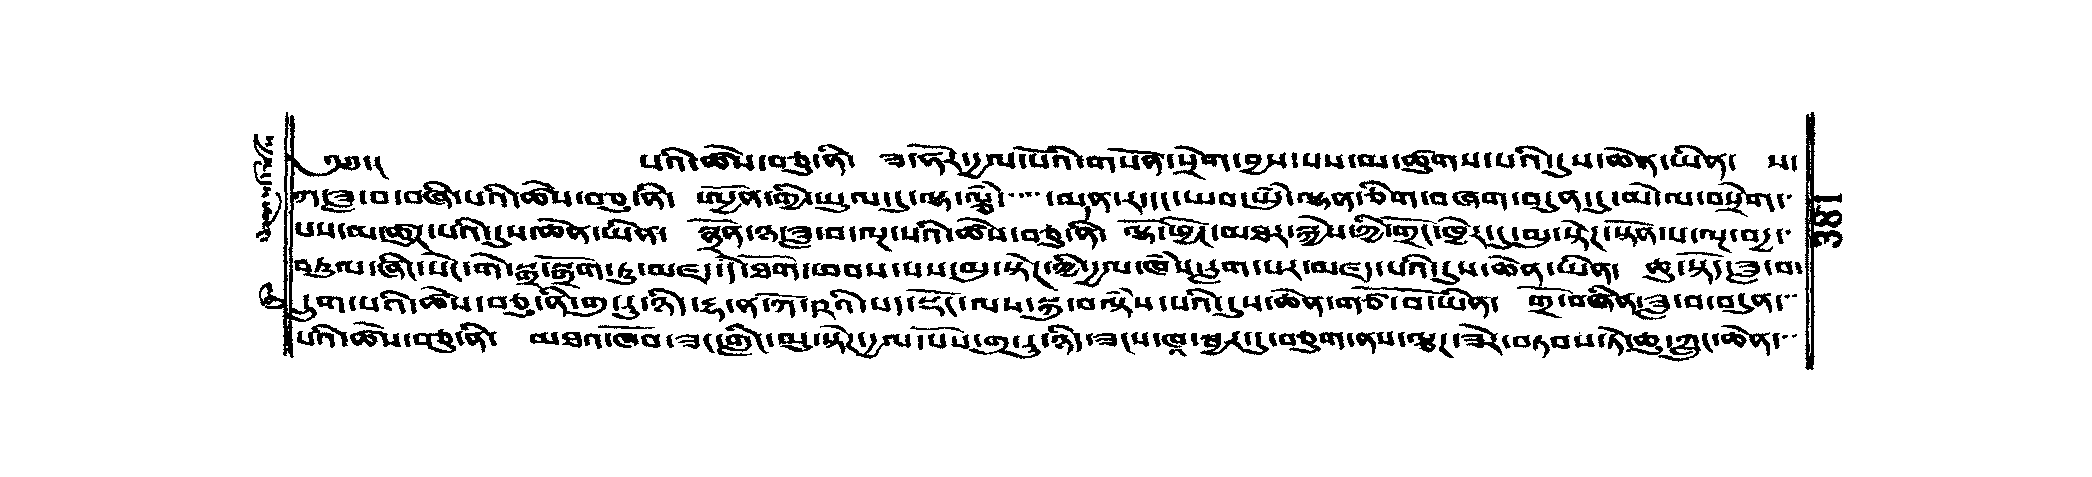པའི་ཚེས་བཅུ་ནི། ཟ་ཧོར་རྒྱལ་པོའི་གསོན་སྲེག་བྱས་པས་མ་ཚུགས་པའི་དུས་ཆེན་ཡིན། ས་
ག་ཟླ་བ་བཞི་པའི་ཚེས་བཅུ་ནི། ཨོ་རྒྱན་གྱི་ཡུལ་དུ་ལྷ་ལྕམ་མནྡ་ར་དང་ཡབ་ཡུམ་ལྷན་ཅིག་བཞག་བདུན་དུ་མེ་ལ་བསྲེགས་
པས་མ་ཚུགས་པའི་དུས་ཆེན་ཡིན། སྣྲོན་ཉ་ཟླ་བ་ལྔ་པའི་ཚེས་བཅུ་ནི། ལྷོ་ཕྱོགས་མཐར་སྐྱེས་ཀྱི་གྲོང་ཁྱེར་དུ་མུ་སྟེགས་སྟོན་པ་ལྔ་བརྒྱ་
བཏུལ་ཞིང་སེང་གེ་སྒྲ་སྒྲོག་ཏུ་མཛད་དེ་ཐོག་ཕབས་པས་མུ་སྟེགས་ཀྱི་རྒྱལ་ཁམས་རླག་པར་མཛད་པའི་དུས་ཆེན་ཡིན།ཆུ་སྟོད་ཟླ་བ་
དྲུག་པའི་ཚེས་བཅུ་ནི་གུ་རུ་ཉིད་དྷ་ན་ཀོ་ཤའི་པད་སྡོང་ལས་སྐུ་བལྟམས་པའི་དུས་ཆེན་གཙོ་བོ་ཡིན། གྲོ་བཞིན་ཟླ་བ་བདུན་
པའི་ཚེས་བཅུ་ནི། མཐའ་ཁོབ་ཟངས་གླིང་མུ་སྟེགས་རྒྱལ་པོས་གུ་རུ་ཉིད་ཟངས་ཁ་སྦྱར་དུ་བཅུག་ནས་ལྕགས་ཟེར་བཏབས་ཏེ་ཆུ་ཀླུང་ཆེན་